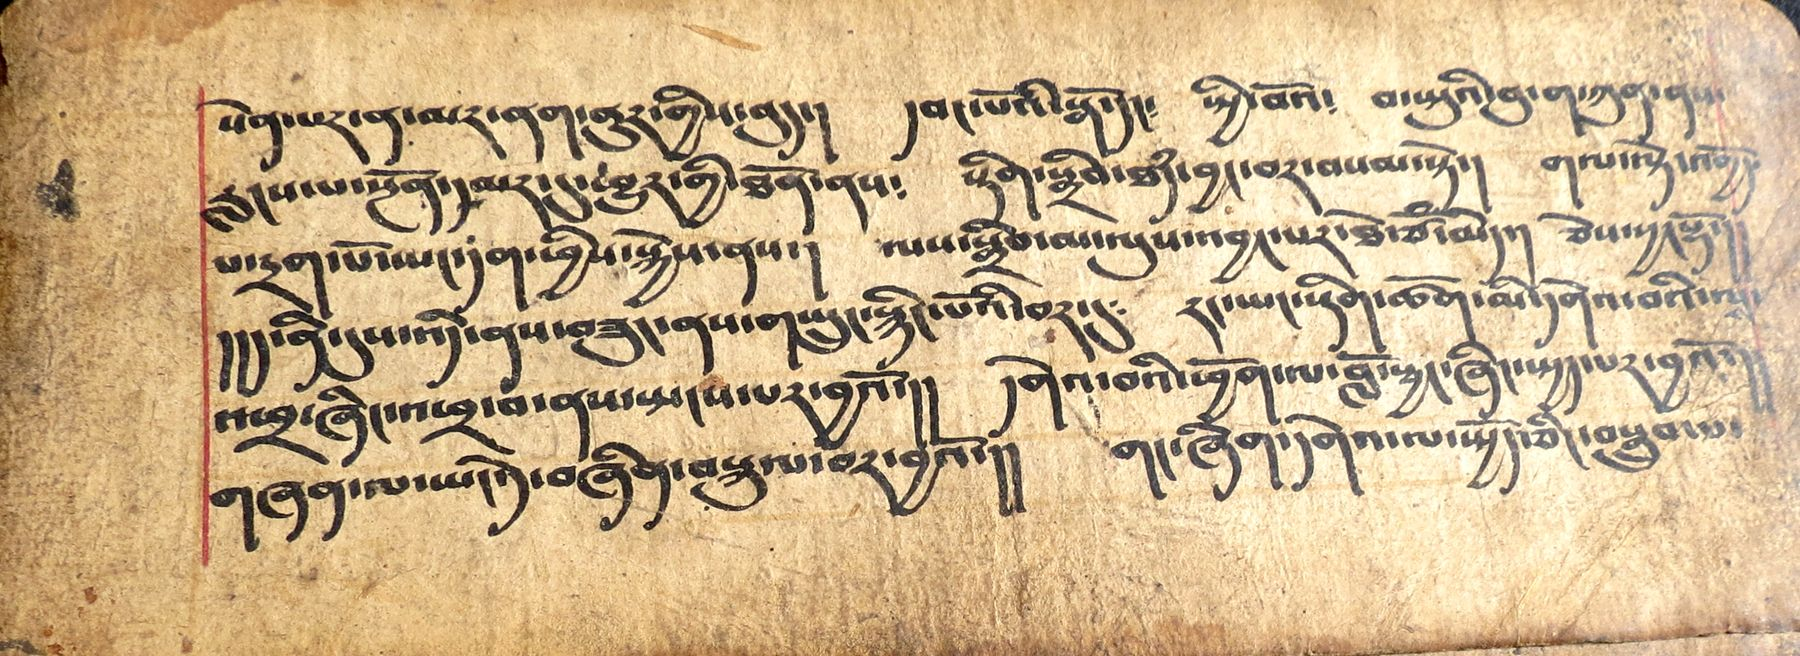སེན་བར་ནས་ནག་ནུར་གྱིས་བུད། དབང་པོའི་སྒོ་དང་། སྤྱི་བོ་བ་སྤུའི་བུ་ག་ཀུན་ནས་
རླངས་པ་སྔོ་དམར་དུ་ཕྱུར་གྱིས་ཐོན་ནས་སྡིག་སྒྲིབ་ཐམས་ཅད་དག་པར་བསམ་སྟེ། གལ་ཏེ་འགྱོད་
པ་དྲག་པོ་དག་ཕྱིས་སྐྱེས་ན། ལས་སྒྲིབ་མ་ལུས་འབྱོང་པར་ཐེ་ཚོམ་མེད། ཅེས་གསུངས་སོ། ། 
ད་ནི་དུས་འདི་ནས་བཟུང་ནས་གཡུང་དྲུང་སྙིང་པོ་མ་ཐོབ་བར་དུ། རང་ཡང་སྡིག་ཚོགས་མི་དགེ་བའི་ལས་
ཕྲ་ཞིང་ཕྲ་བ་ནས་འཛེམ་པར་བྱའོ། དགེ་བ་ཕྱོགས་མེད་ལ་བློ་སྦྱང་ཞིང་སྤྱད་པར་བྱའོ། 
གཞན་ལ་ཡང་དེ་བཞིན་དུ་བསྐུལ་བར་བྱའོ། གང་ཞིག་དགེ་བ་ལ་སྤྱོད་ཅིང་སྒྲུབ་པ་